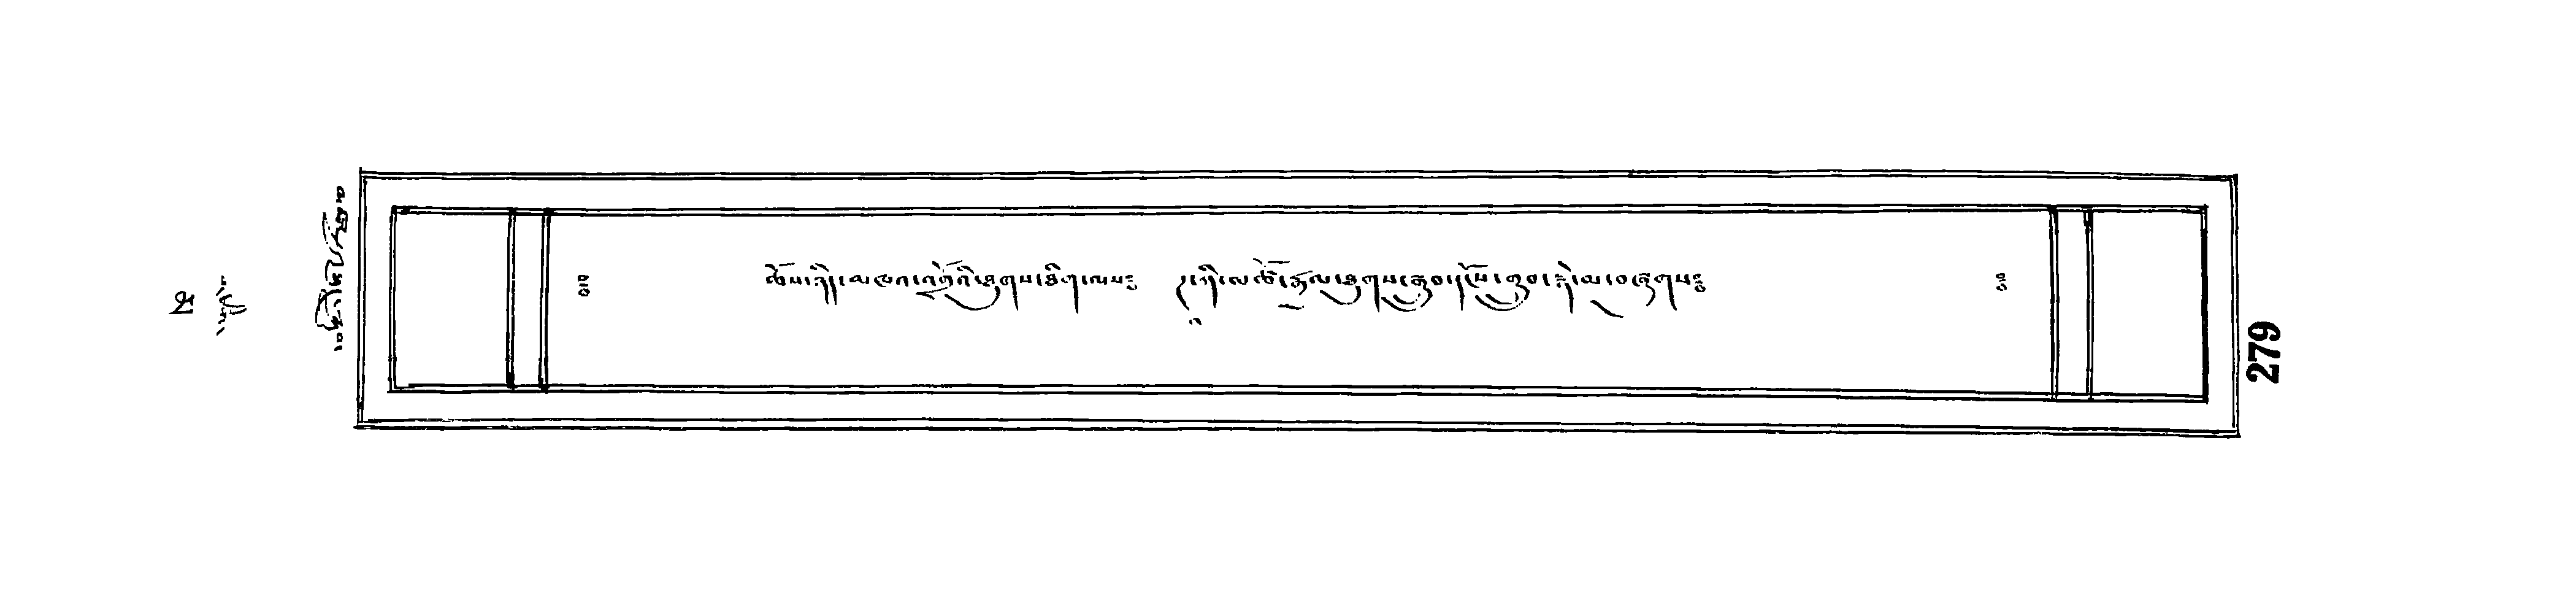ཆོས་ཉིད་མཁའ་འགྲོའི་ཐུགས་ཏིག་ལས༔ ཌཱ་ཀི་མཚོ་རྒྱལ་ཐུགས་སྒྲུབ་དངོས་གྲུབ་སྙེ་མ་བཞུགས༔